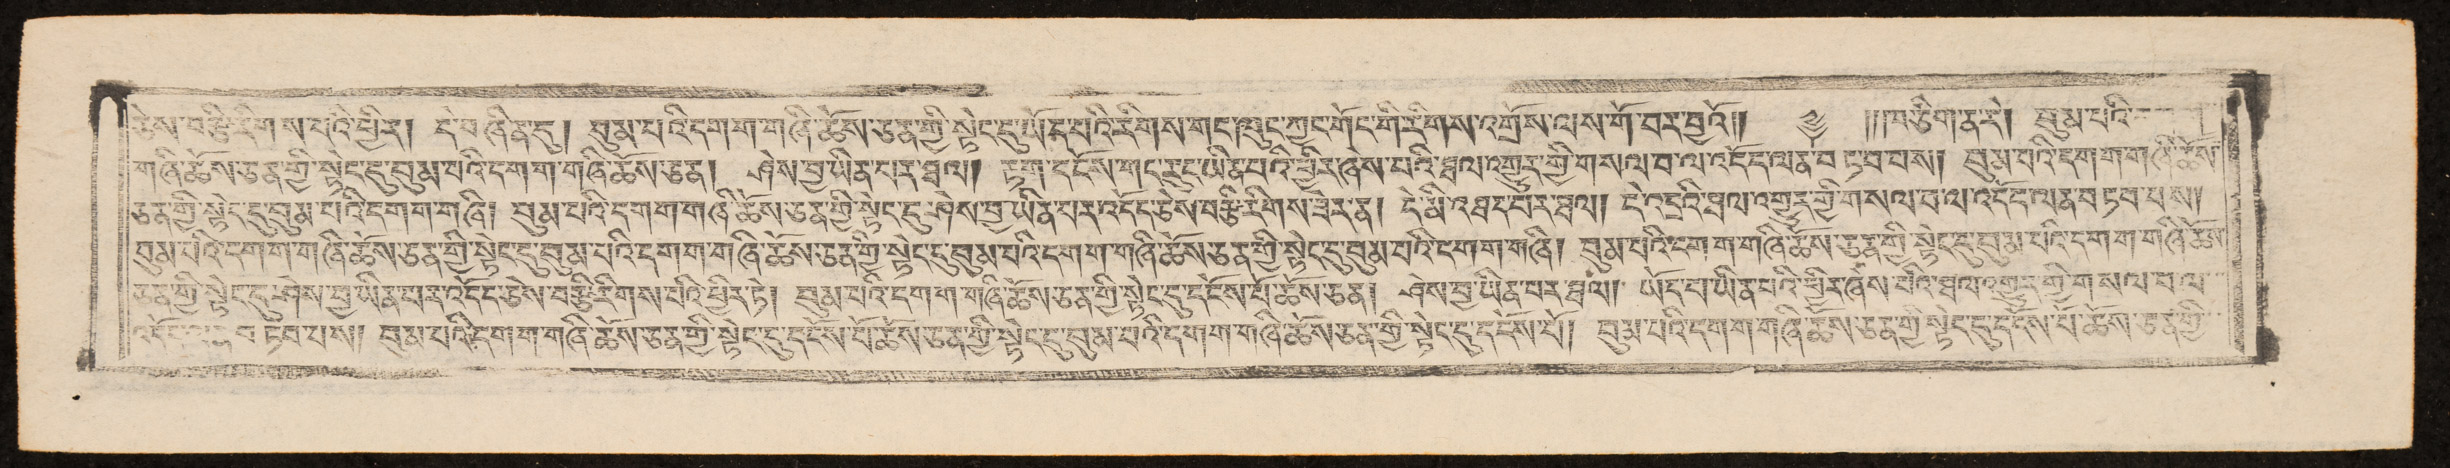ཅེས་བརྩི་རིགས་པའི་ཕྱིར། དེ་བཞིན་དུ། བུམ་པའི་དགག་གཞི་ཆོས་ཅན་གྱི་སྟེང་དུ་ཡོད་པའི་རིགས་གང་ཁུར་ཀྱང་གོང་གི་རིགས་འགྲོས་ལས་གོ་བར་བྱའོ།། ~་།།ཁ་ཅིག་ན་རེ། བུམ་པའི་དགག་
གཞི་ཆོས་ཅན་གྱི་སྟེང་དུ་བུམ་པའི་དགག་གཞི་ཆོས་ཅན། ཤེས་བྱ་ཡིན་པར་ཐལ། རྟག་དངོས་གང་རུང་ཡིན་པའི་ཕྱིར་ཞེས་པའི་ཐལ་འགྱུར་གྱི་གསལ་བ་ལ་འདོད་ལན་བཏབ་པས། བུམ་པའི་དགག་གཞི་ཆོས་
ཅན་གྱི་སྟེང་དུ་བུམ་པའི་དགག་གཞི། བུམ་པའི་དགག་གཞི་ཆོས་ཅན་གྱི་སྟེང་དུ་ཤེས་བྱ་ཡིན་པར་འདོད་ཅེས་བརྩི་རིགས་ཟེར་ན། དེ་མི་འཐད་པར་ཐལ། དེ་འདྲའི་ཐལ་འགྱུར་གྱི་གསལ་བ་ལ་འདོད་ལན་བཏབ་པས།
བུམ་པའི་དགག་གཞི་ཆོས་ཅན་གྱི་སྟེང་དུ་བུམ་པའི་དགག་གཞི་ཆོས་ཅན་གྱི་སྟེང་དུ་བུམ་པའི་དགག་གཞི་ཆོས་ཅན་གྱི་སྟེང་དུ་བུམ་པའི་དགག་གཞི། བུམ་པའི་དགག་གཞི་ཆོས་ཅན་གྱི་སྟེང་དུ་བུམ་པའི་དགག་གཞི་ཆོས་
ཅན་གྱི་སྟེང་དུ་ཤེས་བྱ་ཡིན་པར་འདོད་ཅེས་བརྩི་རིགས་པའི་ཕྱིར་ཏེ། བུམ་པའི་དགག་གཞི་ཆོས་ཅན་གྱི་སྟེང་དུ་དངོས་པོ་ཆོས་ཅན། ཤེས་བྱ་ཡིན་པར་ཐལ། ཡོད་པ་ཡིན་པའི་ཕྱིར་ཞེས་པའི་ཐལ་འགྱུར་གྱི་གསལ་བ་ལ་
འདོད་ལན་བཏབ་པས། བུམ་པའི་དགག་གཞི་ཆོས་ཅན་གྱི་སྟེང་དུ་དངོས་པོ་ཆོས་ཅན་གྱི་སྟེང་དུ་བུམ་པའི་དགག་གཞི་ཆོས་ཅན་གྱི་སྟེང་དུ་དངོས་པོ། བུམ་པའི་དགག་གཞི་ཆོས་ཅན་གྱི་སྟེང་དུ་དངོས་པོ་ཆོས་ཅན་གྱི་